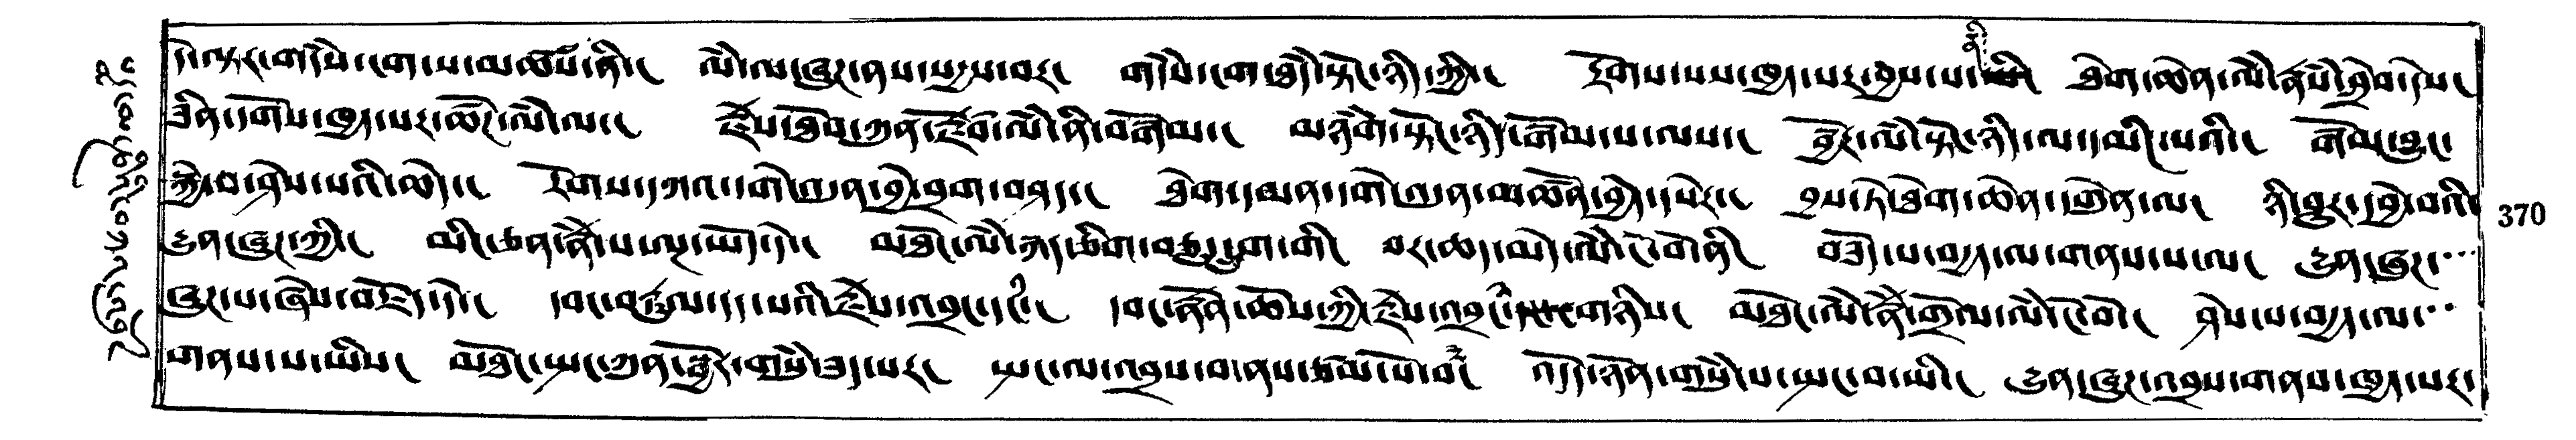དེ་ལྟར་གདམས་ངག་ས་མཚམས་ནི། །ལམ་ལ་ཞུགས་ནས་སངས་རྒྱས་བར། །གདམས་ངག་ཐམས་ཅད་སྟོང་ཉིད་ཀྱི། །རྟོགས་པས་ཁྱད་པར་བྱས་པ་ནི། །ཐེག་ཆེན་ལམ་རྣམས་ཤེས་རབ་དེས། །
ཟིན་དགོས་ཁྱད་པར་ཚོགས་ལམ་ལ། །རྗེས་ཐོབ་ཀུན་རྫོབ་ལམ་ནི་བསྒོམ། །མཉམ་བཞག་སྟོང་ཉིད་སྒོམ་པ་ལས། །སྦྱོར་ལམ་སྟོང་ཉིད་ལ་དམིགས་པའི། །སྒོམ་བྱུང་
སྐྱེ་བ་ཤེས་པའི་ཆེད། །རྟོགས་དཀའ་དགེ་འདུན་བྱེ་བྲག་བཤད། །ཐེག་དམན་དགེ་འདུན་མཚོན་བྱེད་དཔེར། །བྱས་ཏེ་ཐེག་ཆེན་དགེ་འདུན་ལ། །ཉི་ཤུར་དབྱེ་བའི་
རྒྱུན་ཞུགས་ཀྱི། །མིང་ཅན་རྣམ་པ་ལྔ་ཡོད་དེ། །མཐོང་ལམ་སྐད་ཅིག་བཅུ་དྲུག་གི །བར་ཆད་མེད་ལམ་ངོ་བོ་ནི། །བཟོད་པ་བརྒྱད་ལ་གནས་པ་ལ། །རྒྱུན་ཞུགས་
ཞུགས་པ་ཞེས་བརྗོད་དེ། །དབང་བརྟུལ་དད་པའི་རྗེས་འབྲང་དང་། །དབང་རྣོན་ཆོས་ཀྱི་རྗེས་འབྲང་གཉིས། །མཐོང་ལམ་རྣམ་གྲོལ་ལམ་ངོ་བོ། །ཤེས་པ་བརྒྱད་ལ་
གནས་པ་ཡིས། །མཐོང་སྤང་ཀུན་སྦྱོར་གསུམ་ཟད་པར། །སྤངས་ལ་འབྲས་གནས་ཙམ་པོ་བ། །འདོད་ཉོན་གསུམ་པ་སྤངས་བ་ཡི། །རྒྱུན་ཞུགས་འབྲས་གནས་ཁྱད་པར་